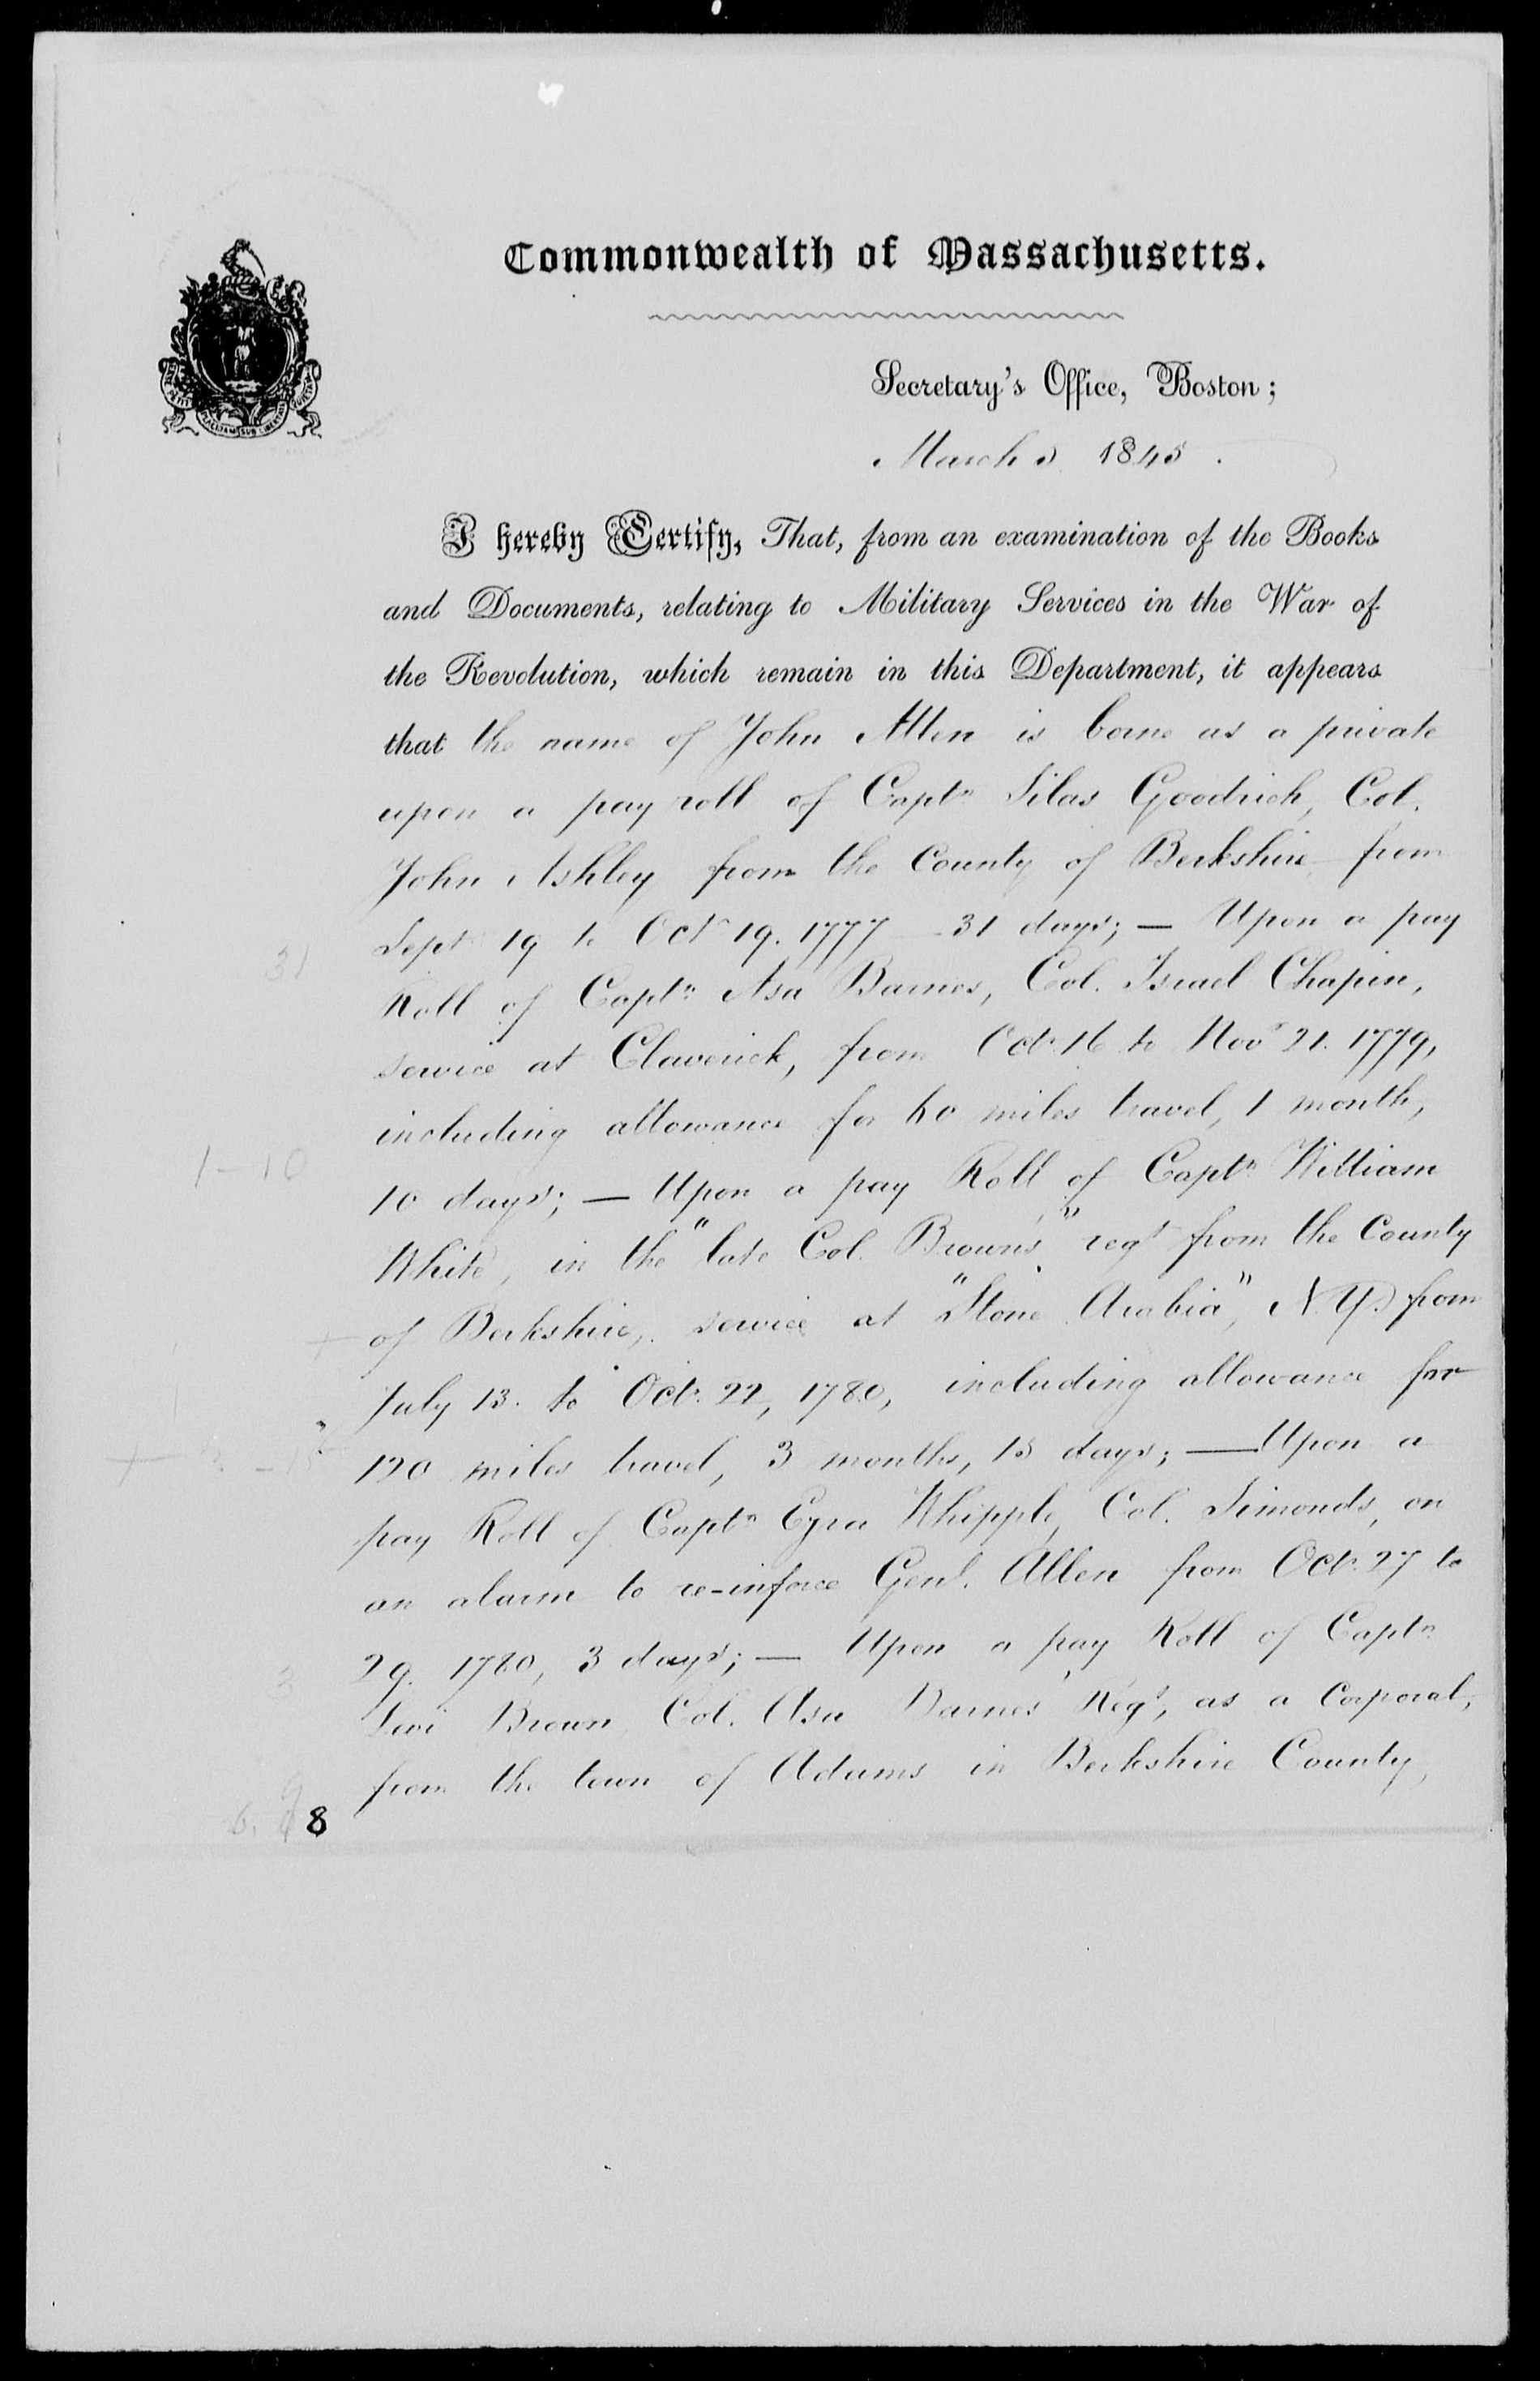Commonwealth of Massachusetts
Secretary's Office, Boston;
March 1845.
I hereby Certify, That, from an examination of the Books and Documents, relating to Military Services in the War of the Revolution, which remain in this Department, it appears that the name of John Allen is borne as a private upon a pay roll of Capt. Silas Goodrich, Col. John Ashley from the County of Berkshire from Sept 19 to Oct 19, 1777 31 days; - upon a pay roll of Capt Asa Barnes, Col. Israel Chapin, service at Claverick, from Oct 16 to Nov 21. 1779, including allowance for 60 miles travel, 1 month, 10 days.-- upon a pay Roll of Capt William White in the "late Col Browns” regt from the County of Berkshire, service at “Stone Arabia”, N.Y. from July 13 to Oct 22, 1780, including allowance for 120 miles travel, 3 months, 13 days; -- upon a pay Roll of Capt Ezra Whipple Col. Simonds, on an alarm to reinforce Genl Allen from Oct. 27 to 29. 1780, 3 days; -- upon a Pay Roll of Capt Levi Brown Col. Asa Barnes’ Regt as a Corporal, from the town of Adams in Berkshire County,
[Left margin]
31 
1 -10 
+
+ 3 - 15
3
6.98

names: John Allen, Ezra Whipple, John Ashley, Silas Goodrich, Simonds, Asa Barnes, William White, Israel Chapin, Levi Brown, Allen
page: 41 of 74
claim: widow's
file: W. 23424, John Allen, Mass. R. I.